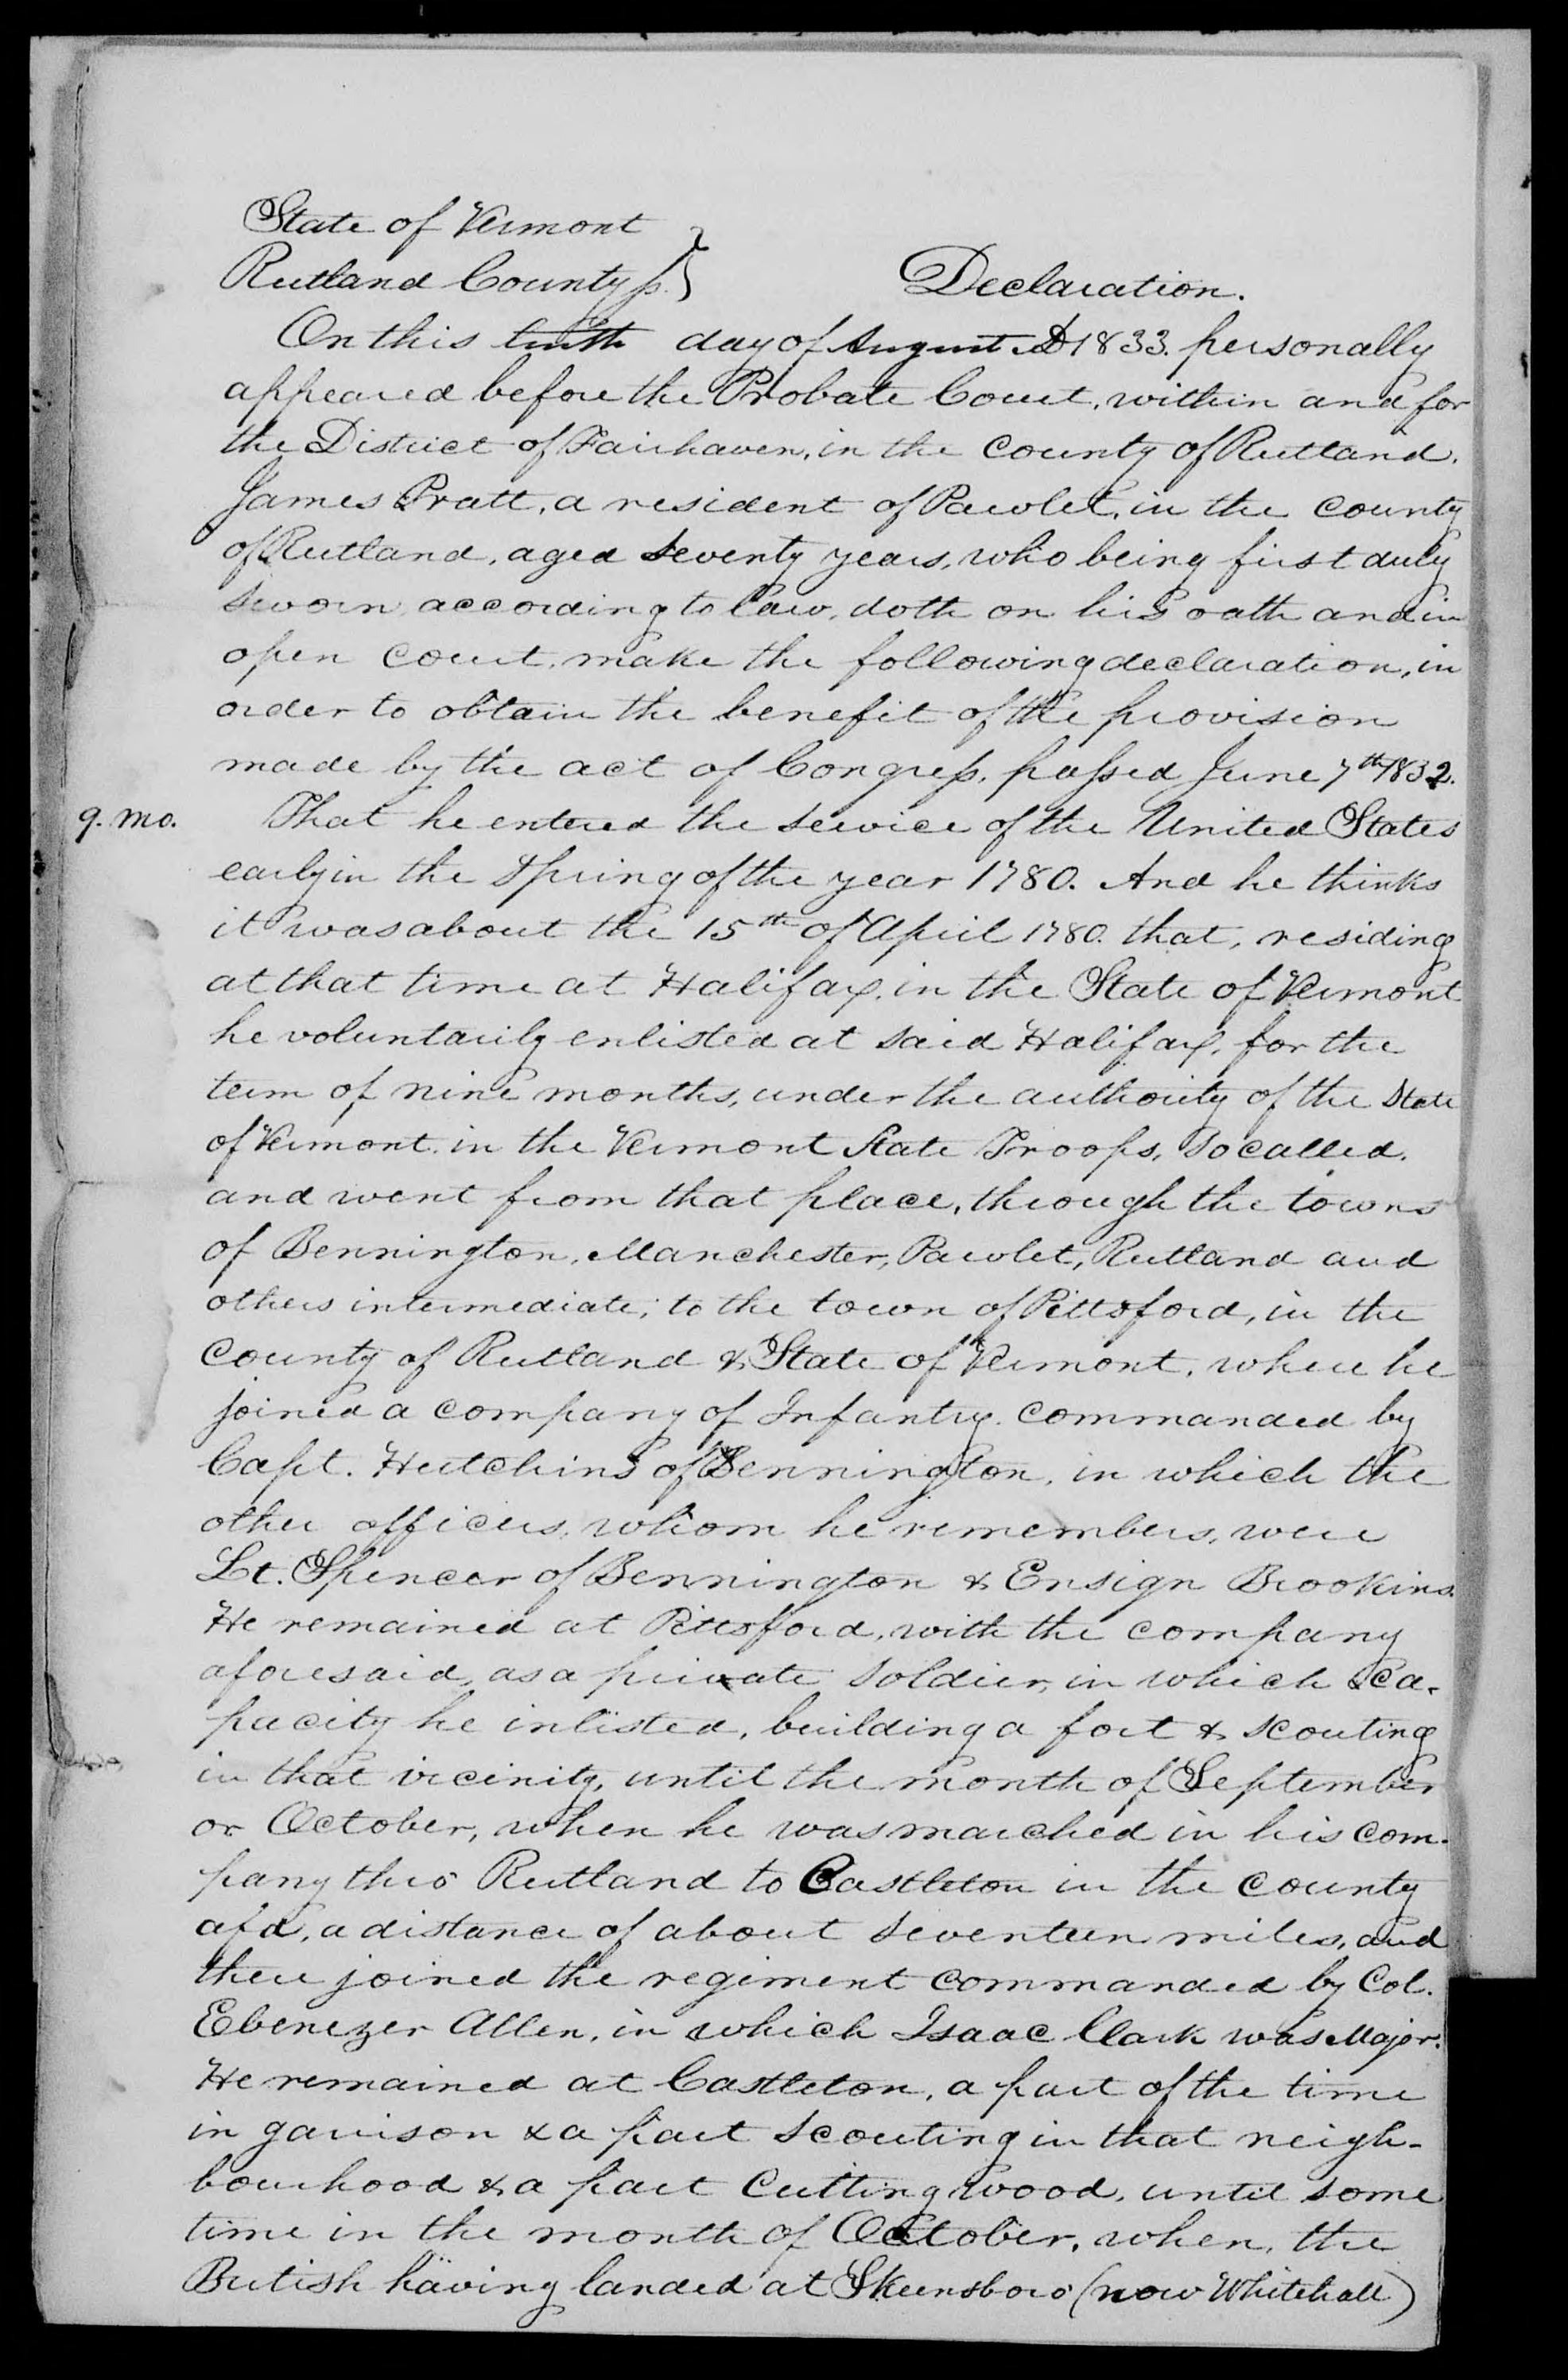State of Vermont
Rutland County     }    
Declaration 
On this tenth day of August AD 1833, personally appeared before the Probate Court, within and for the District of Fairhaven, in the County of Rutland, James Pratt, a resident of Pawlet, in the County of Rutland, age seventy years, who being first duly sworn, according to law doth on his oath and in order to obtain the benefits of the provision made by the Act of Congress, passed June 7th 1832, that he entered the service of the United States early in the Spring of the year 1780. And he thinks it was about the 15th of April 1780 that, residing at that time at Halifax, in the State of Vermont, he voluntarily enlisted at said Halifax, for the term of nine months, under the authority of the State of Vermont, in the Vermont State Troofs, so called and went from that place, through the towns of Bennington, Manchester, Pawlet, Rutland and others intermediate, to the town of Pittsford, in the County of Rutland + State of Vermont, where he joined a company of Infantry, commanded by Capt. Hutchins of Bennington, in which the other officers, whom he remembers, were Lt. Spencer of Bennington + Ensign Brookins. He remained at Pittsford, with the company aforesaid, as a private soldier, in which capacity he inlisted, building a fort + scouting in that vicinity, until the month of September or October, when he was marched in his company thro' Rutland to Castleton in the County af'd, a distance of about seventeen miles, and then joined the regiment commander by Col. Ebenezer Allen, in which Isaac Clark was major. He remained at Castleton, a part of the time in garrison + a part scouting in that neighbourhood + a part cutting wood, until some time in the month of October, when the British, having landed at Skeensboro (now Whitehall)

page: 19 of 29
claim: survivor's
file: S. 14,222, for James Pratt, Vermont